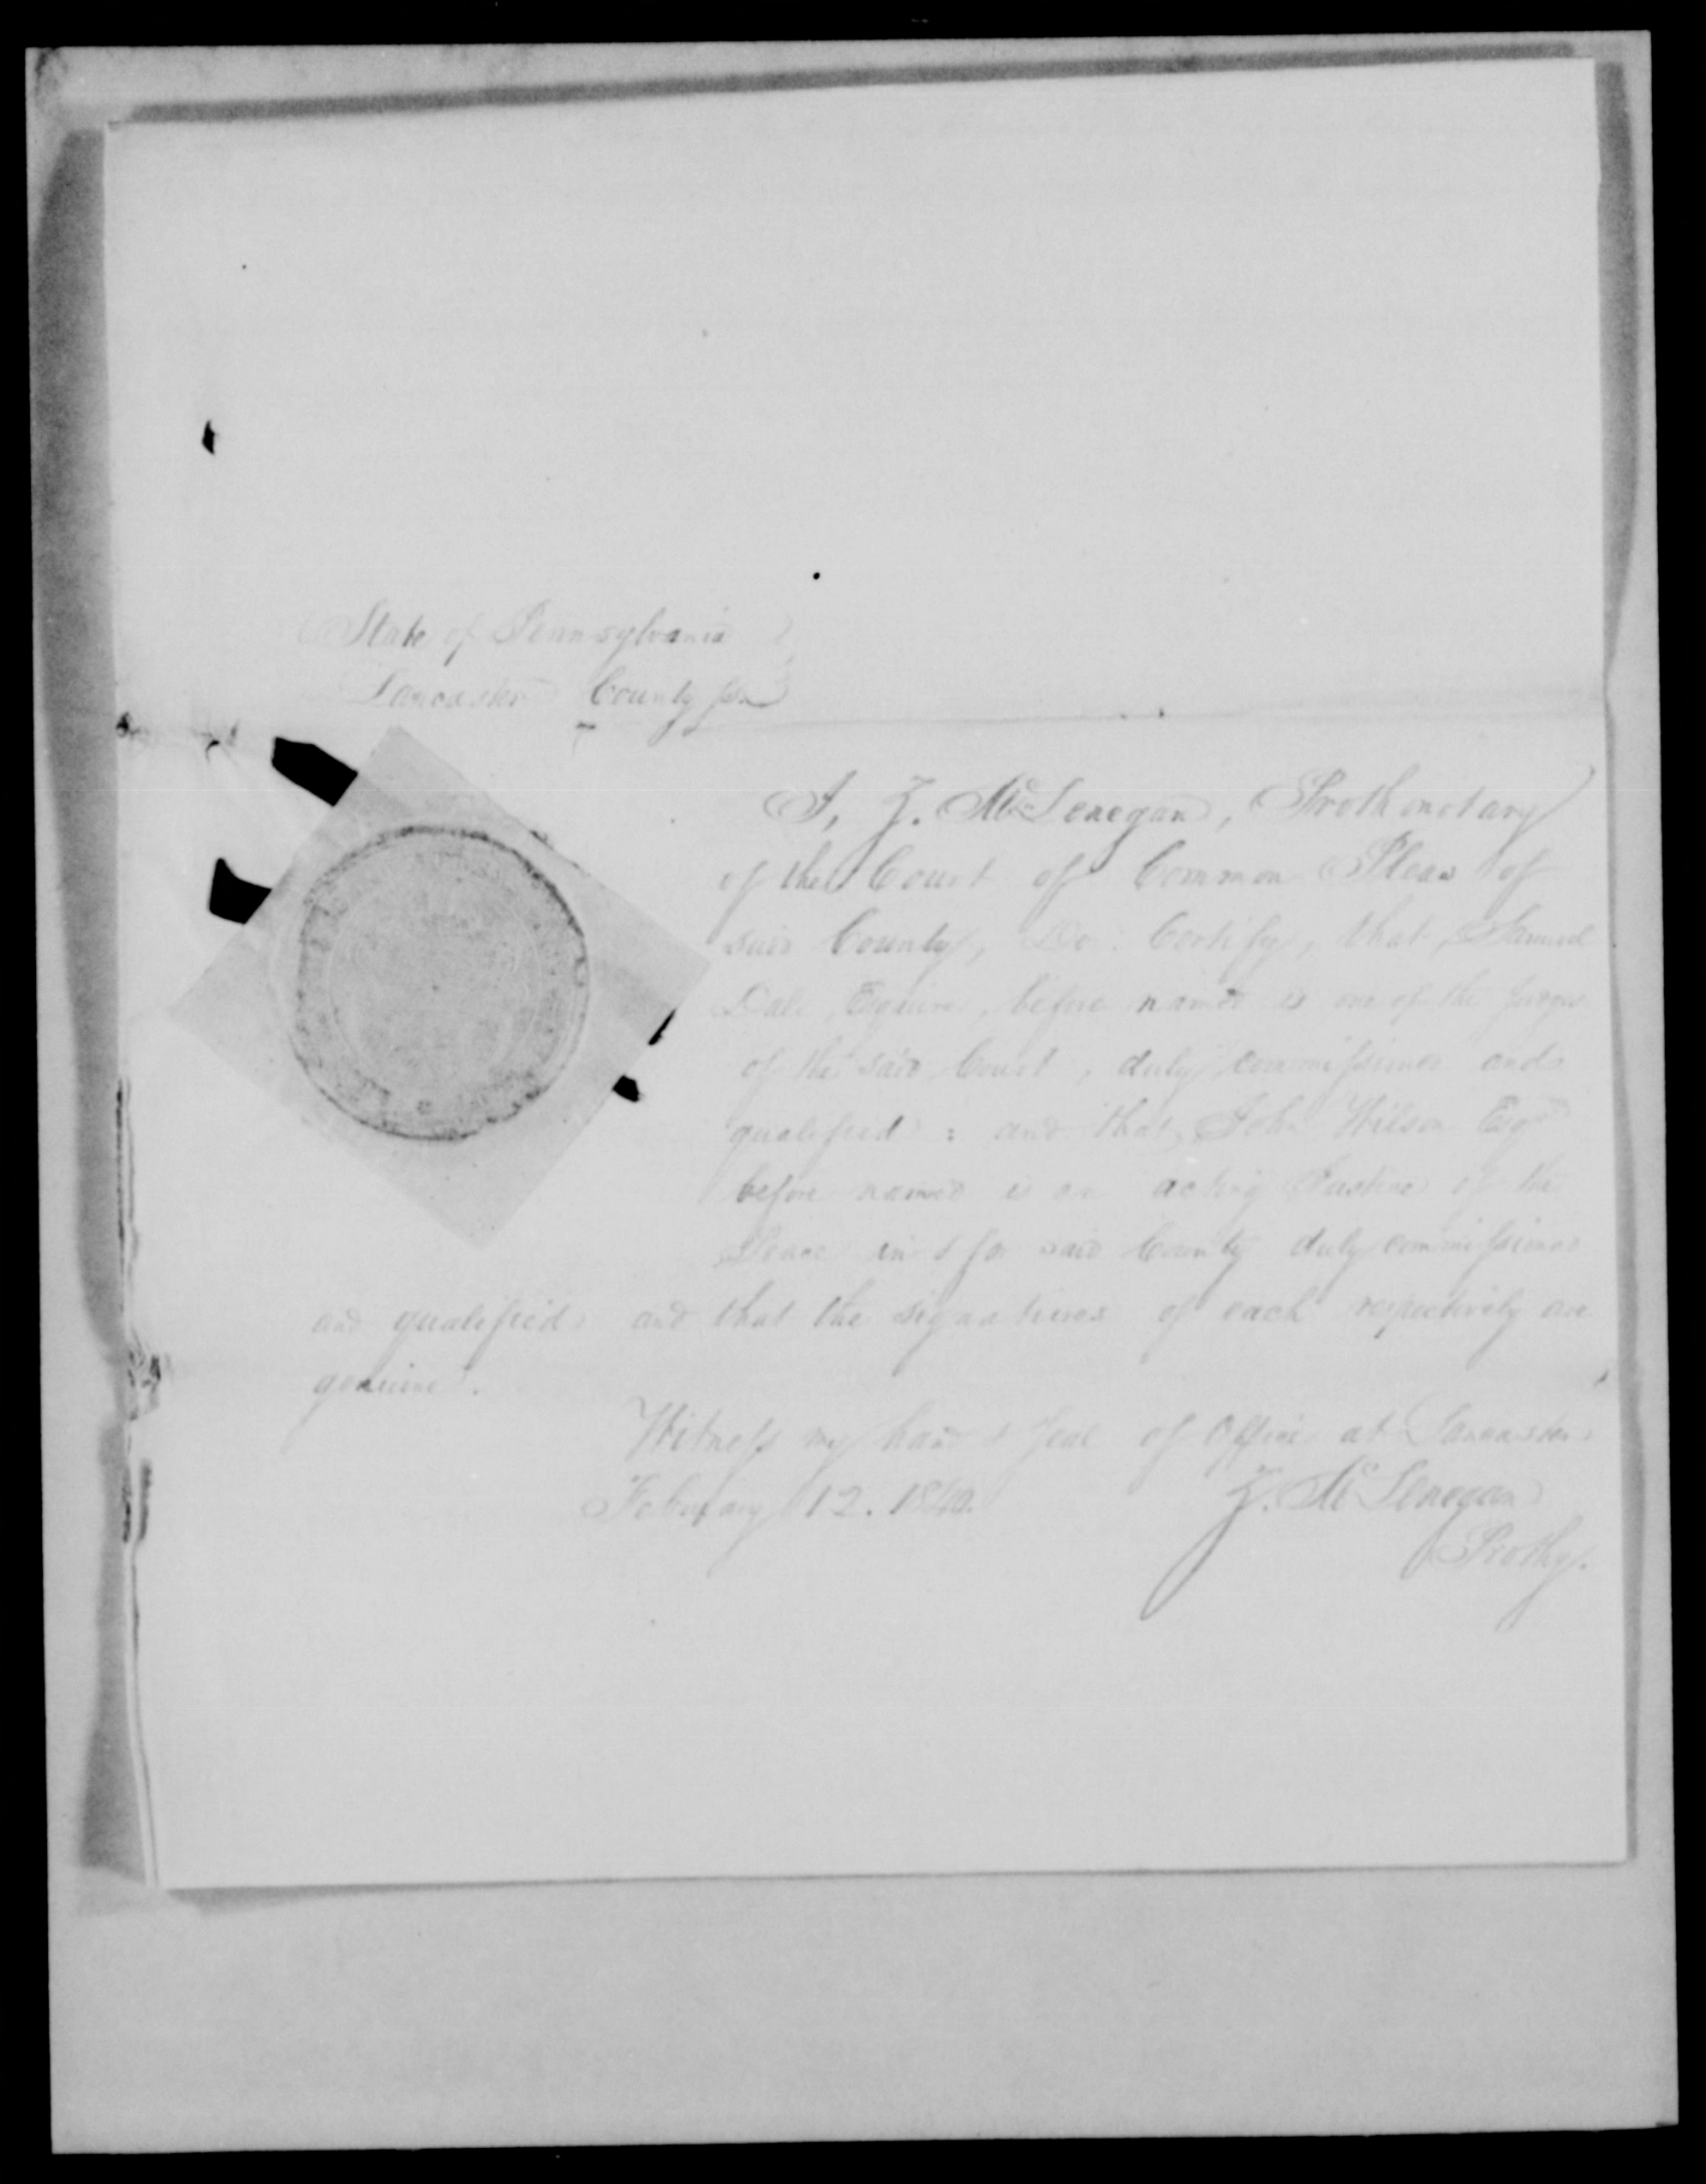State of Pennsylvania
Lancaster County, SS.
I, J. McLenegan, Prothonotary of the Court of Common Pleas of said County do certify that Samuel Dale, Esquire, before named, is one of the judges of the said Court, duly commissioned and qualified, and that John Wilson, Esquire, before named, is an acting Justice of the Peace in and for said County, duly commissioned and qualified, and that the signatures of each respectively are genuine.
Witness my hand and seal of Office at Lancaster, February 12. 1840.
J. McLenegan
Protonotary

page: 18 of 28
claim: widow's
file: W. 3163, for David Statser, Pennsylvania